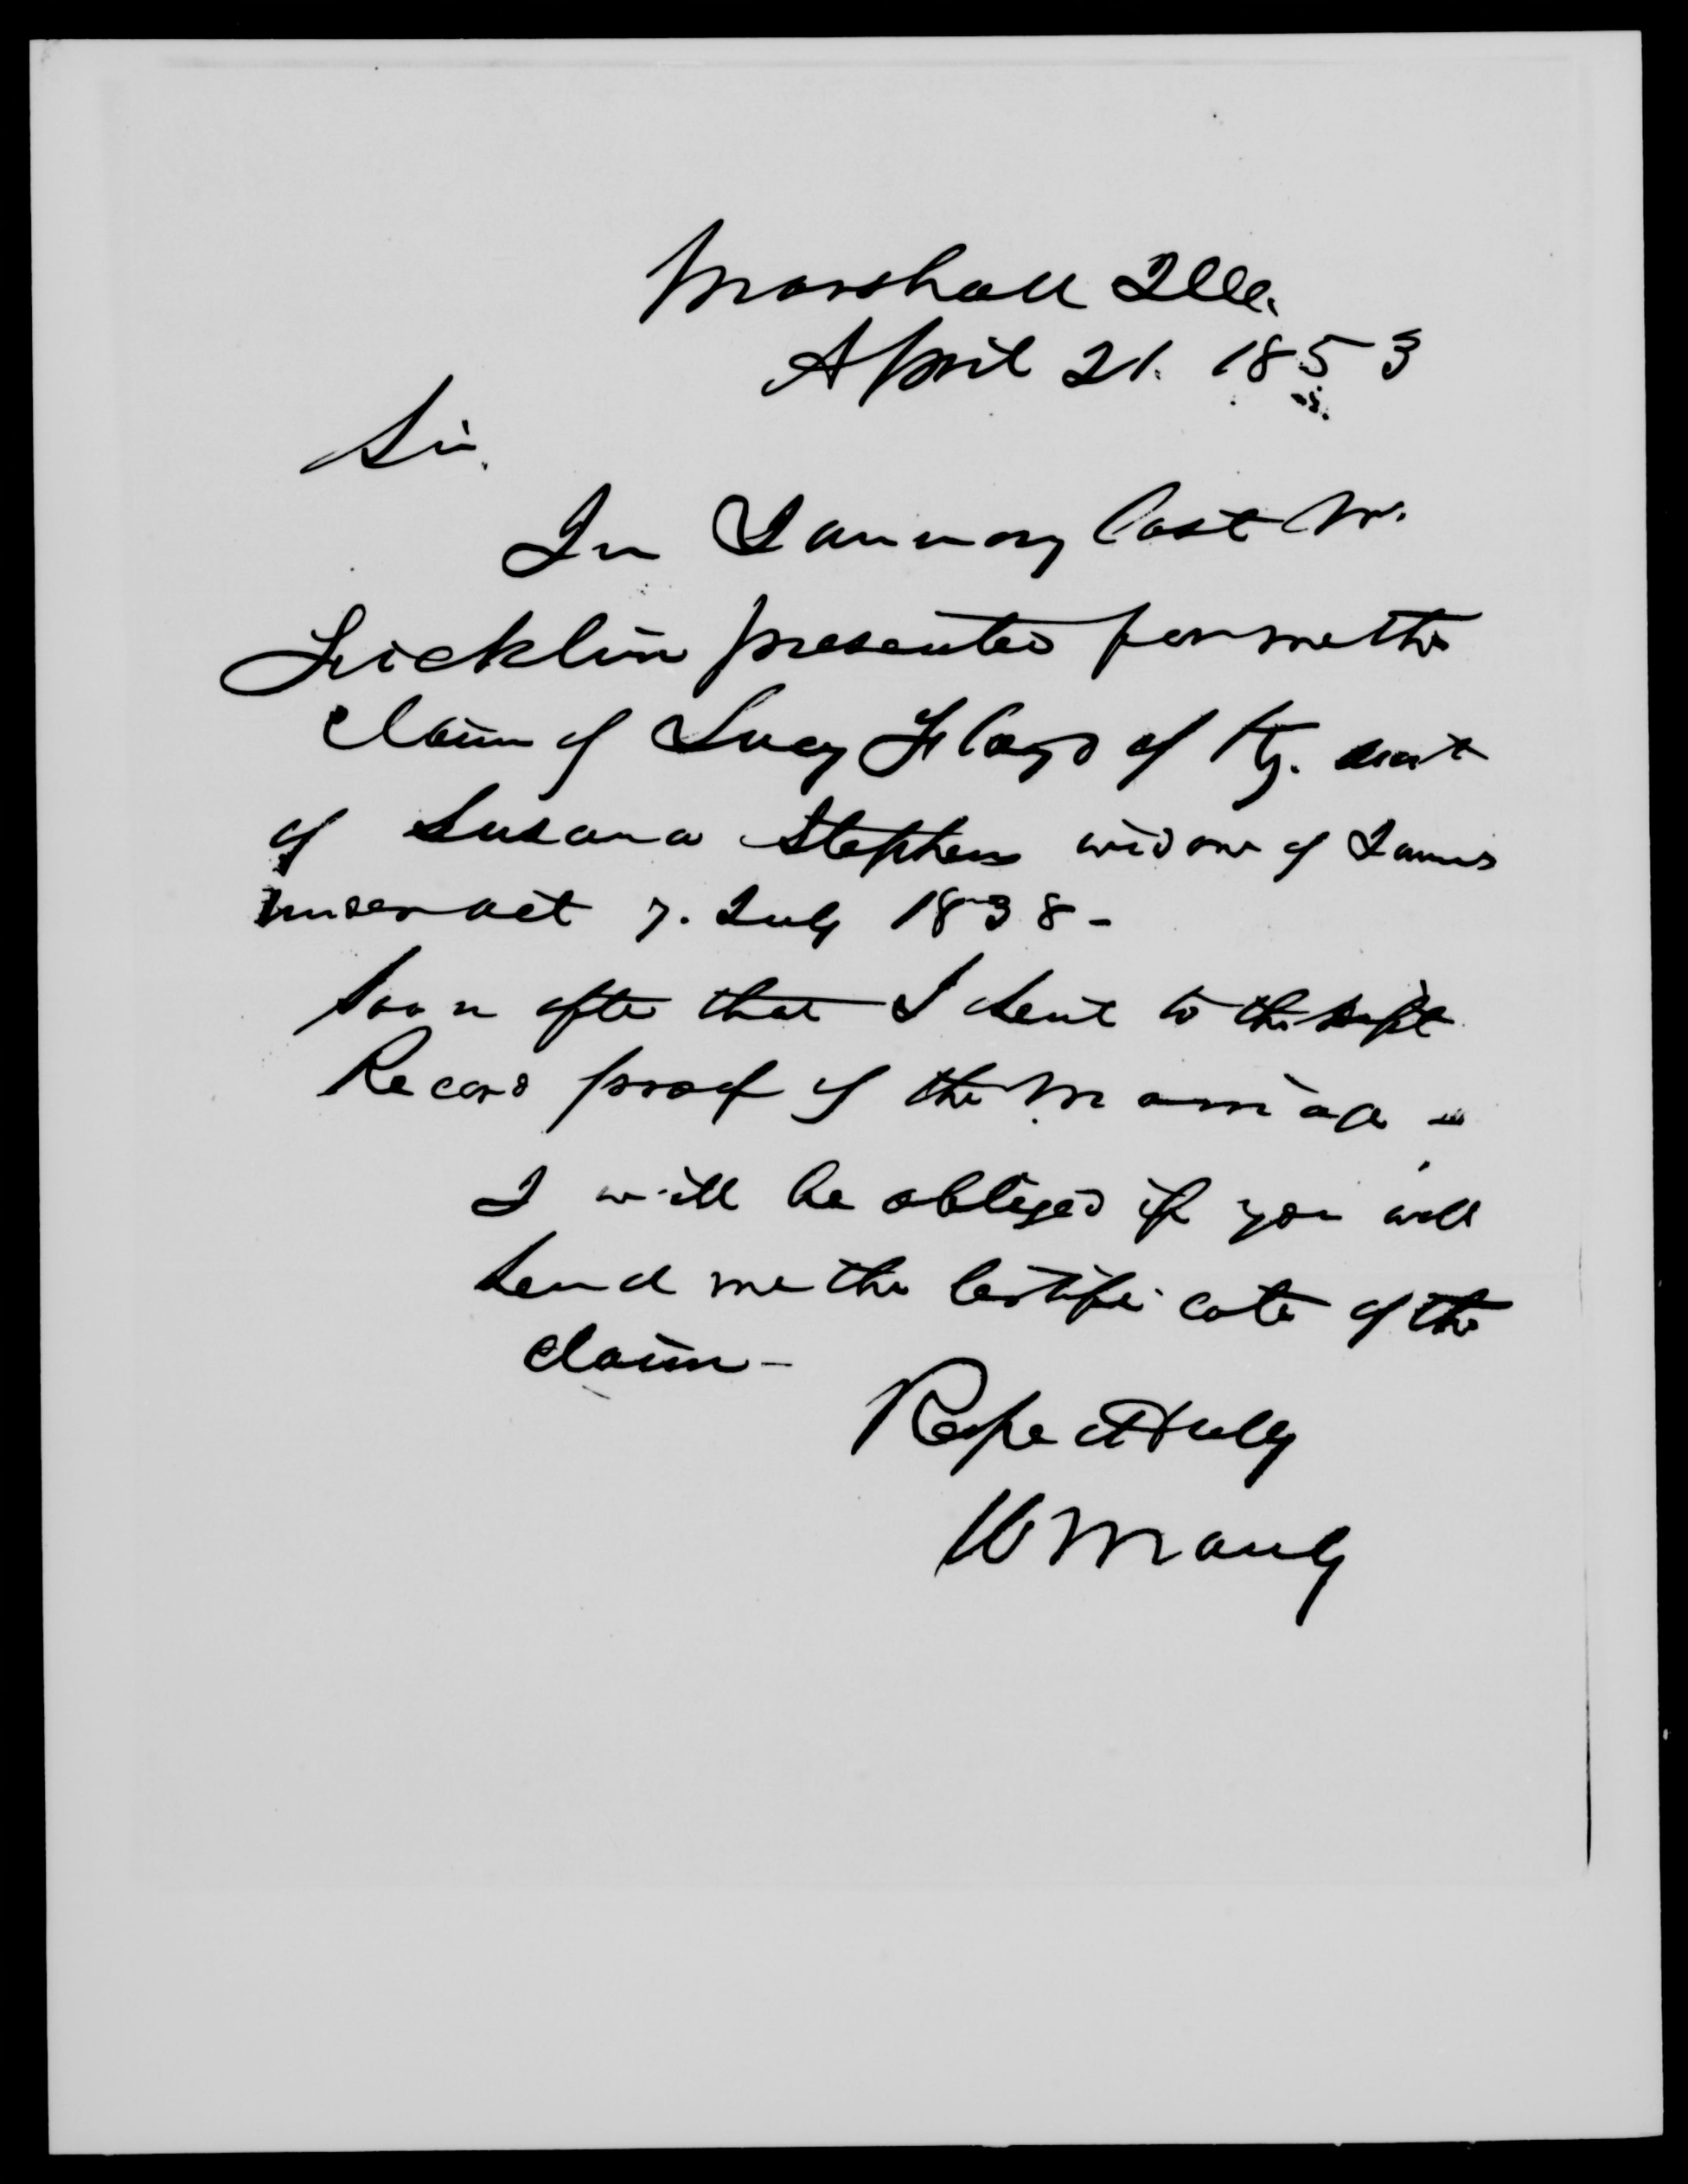Marshall Ille
April 21, 1853
Sir,
In January last Mr. Lucklin presented for me the
claim of Lucy Floyd of Ky. [illegible] of Susana Stephens widow of James under Act 7 July 1838 -
Soon after that I sent to the Dept Record proof of the marriage.
I will be obliged if you will send me the certificate of the claim-
Respectfully
W Manly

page: 74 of 99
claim: widow's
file: W 8766, for James Stevens, Virginia